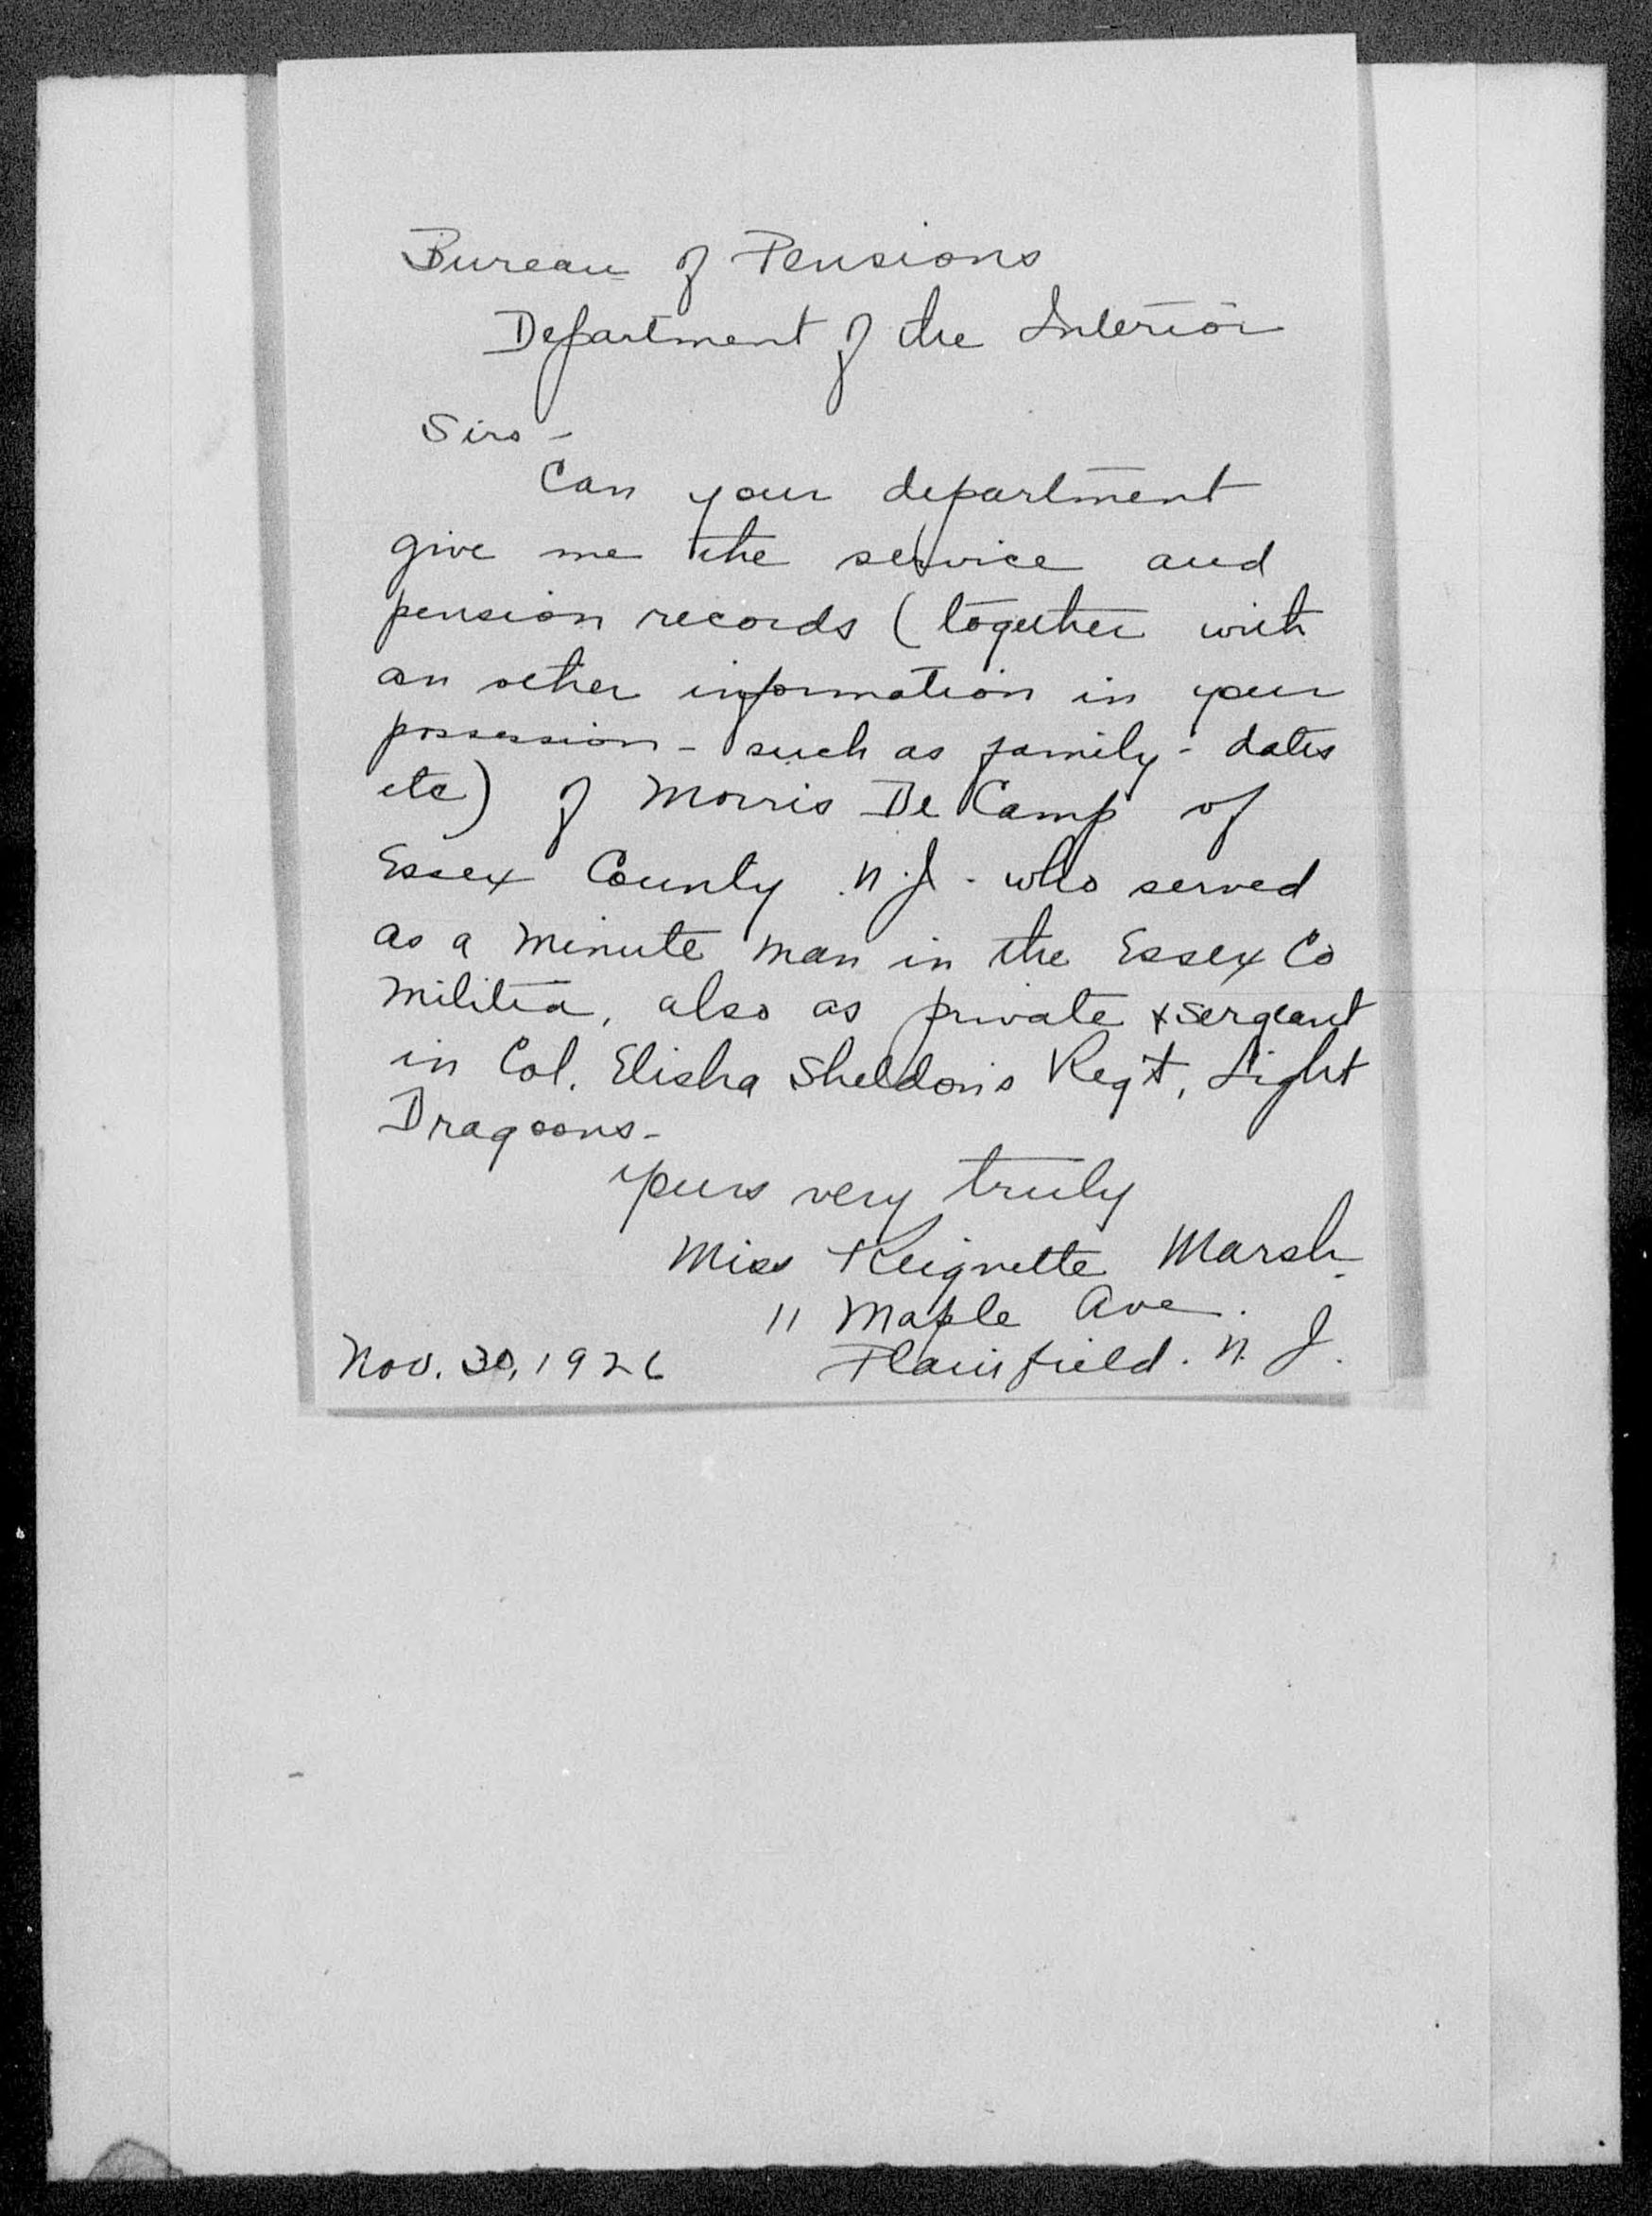Bureau of Pensions
Department of the Interior
Sirs -
Can your department give me the service and pension records (together with all other information in your possession - such as family - dates etc) of Morris De Camp of Essex County N.J. who served as a minute man in the Essex Co militia, also as private + sergeant in Col. Elisha Sheldon's Regt, Light Dragoons.
Yours very truly Miss Reignette Marsh 11 Maple Ave Plainfield N.J.
Nov. 30, 1926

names: Morris De Camp, Reignette Marsh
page: 41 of 52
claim: survivor's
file: S. 34172, Morris D Camp, Continental (New Jersey)